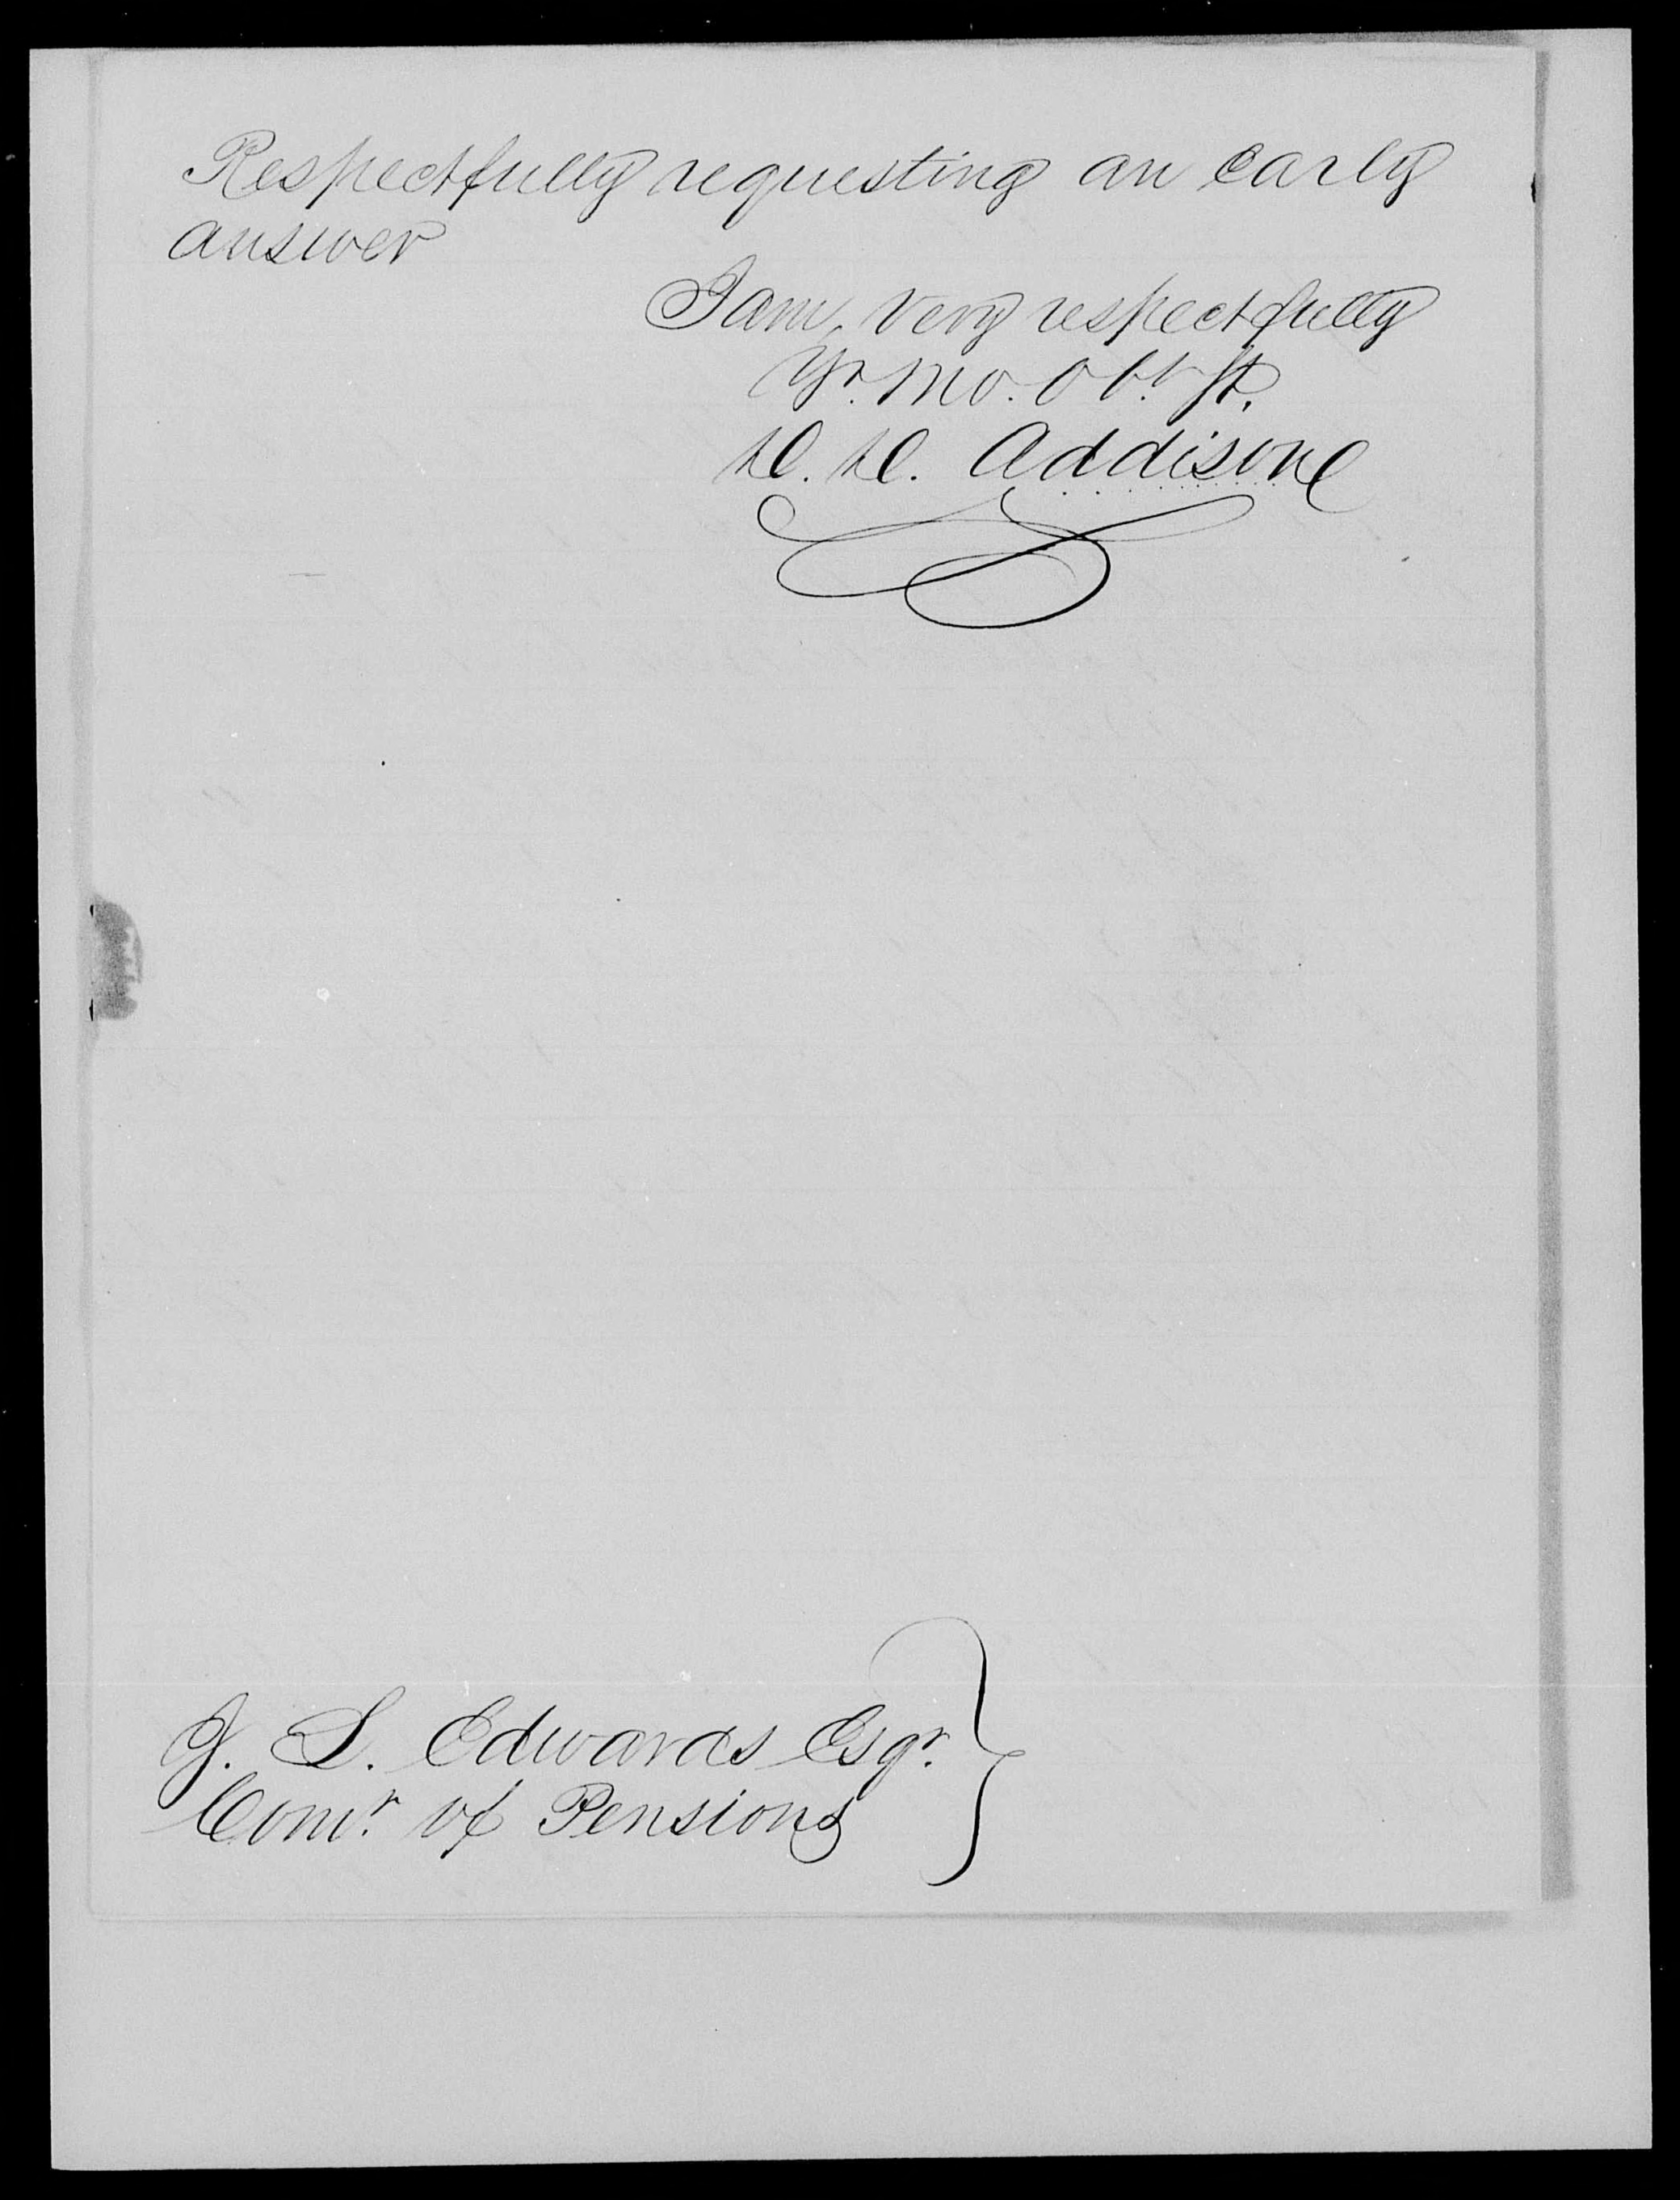Respectfully requesting an early
answer
I am, very respectfully
Yr.Mo.Obt.St.
D. D. Addison
J.L. Edwards Esqr.}
Comr of Pensions}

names: J L Edwards; D D Addison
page: 32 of 75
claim: survivor's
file: S. 9989, for William Popham, Delaware